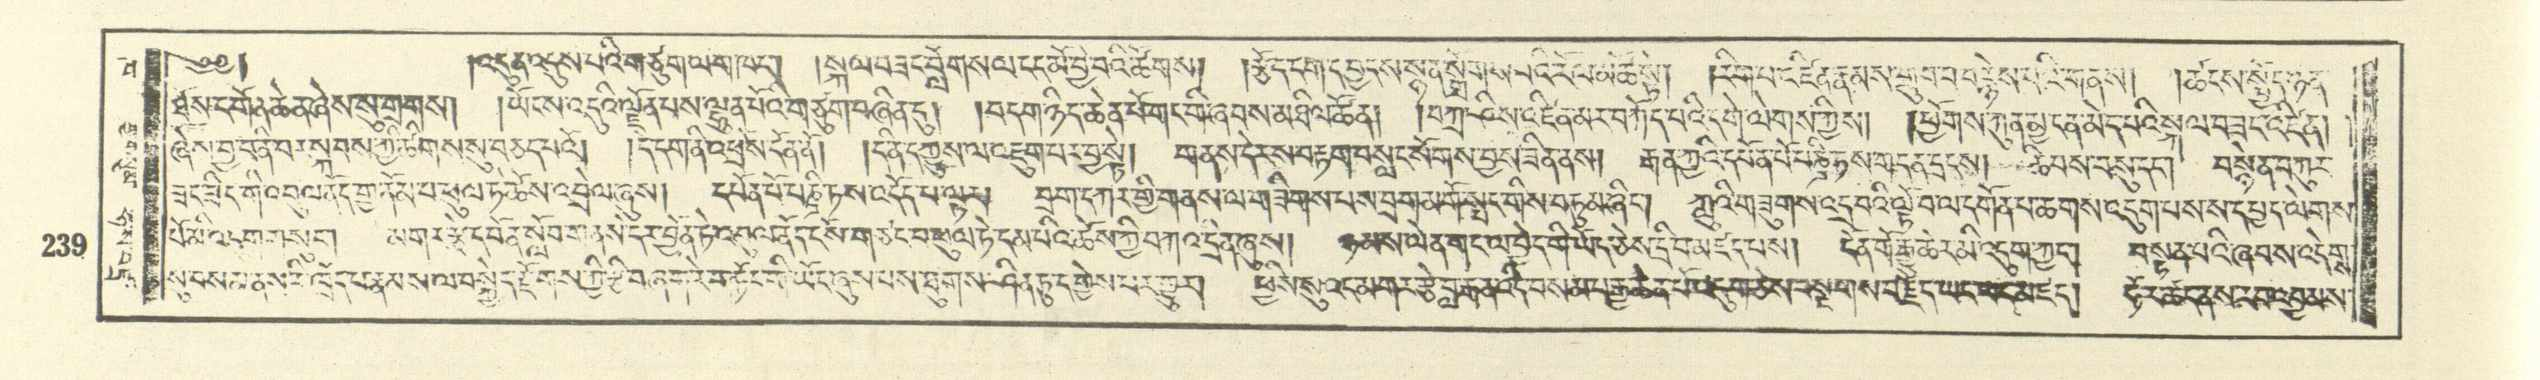༄༅། །འདུན་འདུས་པའི་གཙུག་ལག་ཁང་། །སྐལ་བཟང་བློ་གསལ་དད་མོ་བྱེ་བའི་ཚོགས། །རྩོད་ངག་དབྱངས་སྙན་སྒྲོགས་པའི་རོལ་མཚོ་སྟེ། །རིག་པ་འཛིན་རྣམས་གྲུབ་པ་བརྙེས་པའི་གནས། །ཚངས་སྤྱོད་ཉན་
ཐོས་དགོན་ཆེན་ཞེས་སུ་གྲགས། །ཡོངས་འདུའི་ལྗོན་པས་ལྷུན་པོའི་གཙུག་བཞིན་དུ། །བདག་ཉིད་ཆེན་པོ་གང་གི་ཞབས་མཐིལ་ཚོན། །བཀྲ་ཤིས་འཛིན་མར་བཀོད་པའི་དགེ་ལེགས་ཀྱིས། །ཕྱོགས་ཀུན་མྱ་ངན་མེད་པའི་སྐལ་བཟང་འཛིན། །
ཞེས་བྱ་བ་ནི་བར་སྐབས་ཀྱི་ཚིགས་སུ་བཅད་པའོ། །དེ་དག་ནི་འཕྲོས་དོན་ནོ། །དེ་ནི་དཀྱུས་ལ་འཇུག་པར་བྱ་སྟེ། གནས་དེར་ས་བརྟག་བསླང་སོགས་བྱས་ཟིན་ནས། རྒན་གྱའི་དཔོན་པོ་པཎྜི་ཏས་གདན་དྲངས། ཆིབས་བསུ་དང་། བསྙེན་བཀུར་
ཟང་ཟིང་གི་འབུལ་ནོད་གྱ་ནོམ་པ་ཕུལ་ཏེ་ཆོས་འབྲེལ་ཞུས། དཔོན་པོ་པཎྜི་ཏས་འདོད་པ་ལྟར། བྲག་དཀར་གྱི་གནས་ལ་གཟིགས་པས་བྲག་མགོ་སྦང་གིས་བཏུམ་ཞིང་། ཀླུའི་གཟུགས་འདྲ་བའི་ལྟོ་བ་ལ་དགོན་པ་ཆགས་འདུག་པས་ས་དཔྱད་ལེགས་
པོ་མི་འདུག་གསུང་། མགར་རྩེ་དཔོན་སློབ་གནས་དེར་བྱོན་ཏེ་འབུལ་ནོད་ངོས་གཙང་བ་ཕུལ་ཏེ་དམ་པའི་ཆོས་ཀྱི་བཀའ་དྲིན་ཞུས། ཉམས་ལེན་གང་ལ་བྱེད་ཀི་ཡོད་ཅེས་དྲི་བ་མཛད་པས། དོན་གོ་རྒྱུ་ཆེར་མི་འདུག་ཀྱང་། བསྟན་པའི་ཞབས་འདེགས་
སུ་བསམ་ནས་རི་ཁྲོད་པ་རྣམས་ལ་བསྐྱེད་རྫོགས་ཀྱི་རྩི་བཞག་རེ་གཏོང་གི་ཡོད་ཞུས་པས་ཐུགས་ཤིན་ཏུ་དགྱེས་པར་གྱུར། ཕྱིས་སུའང་མ་གར་རྩེ་བླ་རྒན་འདི་བསམ་པ་རྒྱ་ཆེན་པོ་འདུག་ཅེས་བསྔགས་བརྗོད་ཡང་ཡང་མཛད། ཧོར་ཚད་ནས་རབ་འབྱམས་